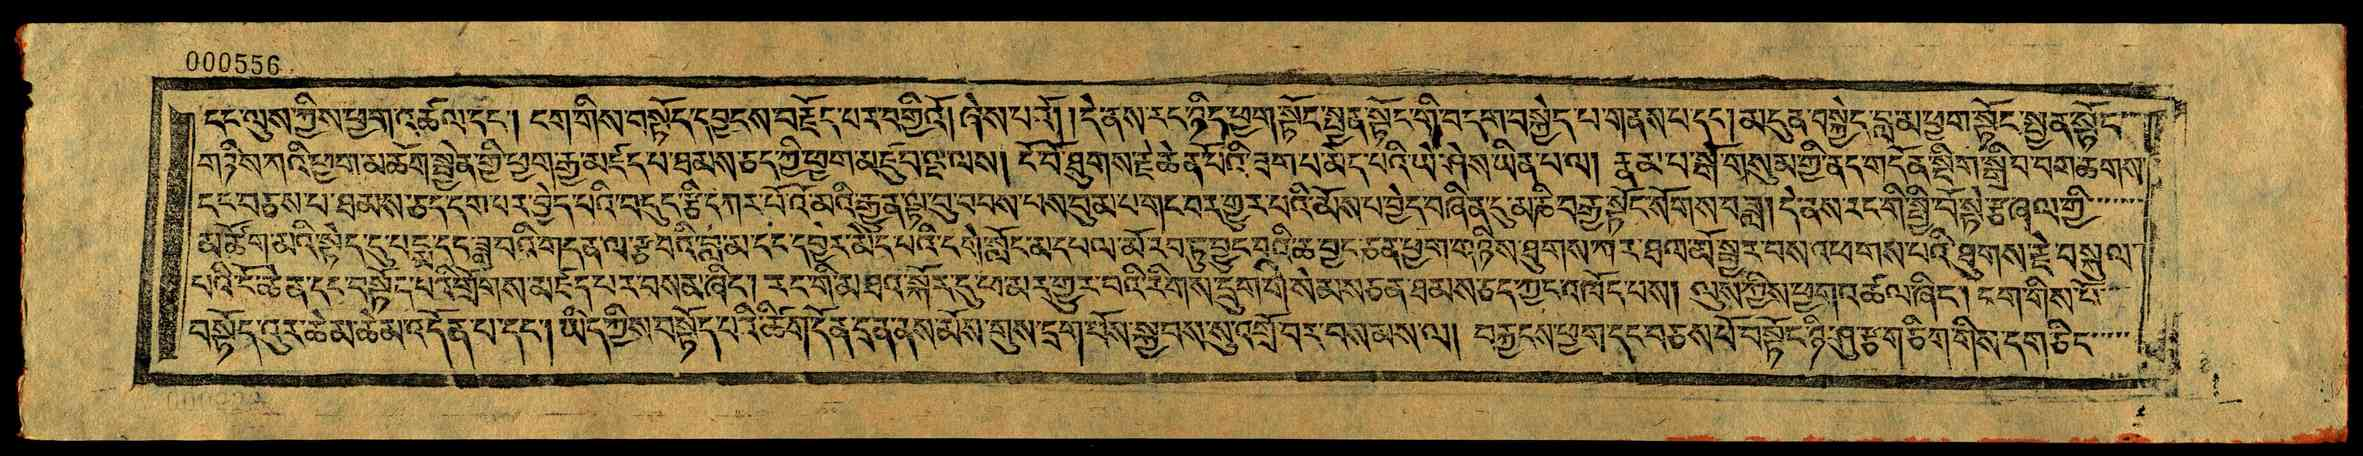དང་ལུས་ཀྱིས་ཕྱག་འཚལ་དང་། ངག་གིས་བསྟོད་དབྱངས་བརྗོད་པར་བགྱིའོ། ཞེས་པའོ། །དེ་ནས་རང་ཉིད་ཕྱག་སྟོང་སྤྱན་སྟོང་གི་བདག་བསྐྱེད་ལ་གནས་པ་དང་། མདུན་བསྐྱེད་བླ་མ་ཕྱག་སྟོང་སྤྱན་སྟོང་
གཉིས་ཀའི་ཕྱག་མཆོག་སྤྱིན་གྱི་ཕྱག་རྒྱ་མཛད་པ་ཐམས་ཅད་ཀྱི་ཕྱག་མཛུབ་ལྔ་ལས། ངོ་བོ་ཐུགས་རྗེ་ཆེན་པོའི་ཟག་པ་མེད་པའི་ཡེ་ཤེས་ཡིན་པ་ལ། རྣམ་པ་སྒོ་གསུམ་གྱི་ནད་གདོན་སྡིག་སྒྲིབ་བག་ཆགས་
དང་བཅས་པ་ཐམས་ཅད་དག་པར་བྱེད་པའི་བདུད་རྩི་དཀར་པོའོ་མའི་རྒྱུན་ལྟ་བུ་བབས་པས་བུམ་པ་གང་བར་གྱུར་བའི་མོས་པ་བྱེད་བཞིན་དུ་མ་ཎི་བརྒྱ་སྟོང་སོགས་བཟླ། དེ་ནས་རང་གི་སྤྱི་བོ་སྟེ་རྩ་ཞལ་གྱི་
མཚོག་མའི་སྟེང་དུ་པདམ་དང་ཟླ་བའི་གདན་ལ་རྩ་བའི་བླ་མེད་པ་དབྱེར་མེད་པའི་དགེ་སློང་མ་དཔལ་མོ་རབ་ཏུ་བྱུང་བའི་ཆ་བྱད་ཅན་ཕྱག་གཉིས་ཐུགས་ཀར་ཐལ་མོ་སྦྱར་བས་འཕགས་པའི་ཐུགས་རྗེ་བསྐུལ་
བའི་ངོ་ཆེན་དང་བསྟོད་པའི་གྲོགས་མཛད་པར་བསམ་ཞིང་། རང་གི་མཐའ་སྐོར་དུ་ཕ་མར་གྱུར་པའི་རིགས་དྲུག་གི་སེམས་ཅན་ཐམས་ཅད་ཀྱང་འཁོད་པས། ལུས་ཀྱིས་ཕྱག་འཚལ་ཞིང་། ངག་གིས་པོ་
བསྟོད་འུར་ཆེམ་ཆེམ་འདོན་པ་དང་། ཡིད་ཀྱིས་བསྟོད་པའི་ཚིག་དོན་དྲན་ནས་མོས་གུས་དྲག་པོས་སྐྱབས་སུ་འགྲོ་བར་བསམས་ལ། བརྐྱངས་ཕྱག་དང་བཅས་པོ་བསྟོད་ཉི་ཤུ་རྩ་གཅིག་གིས་དག་ཅིང་